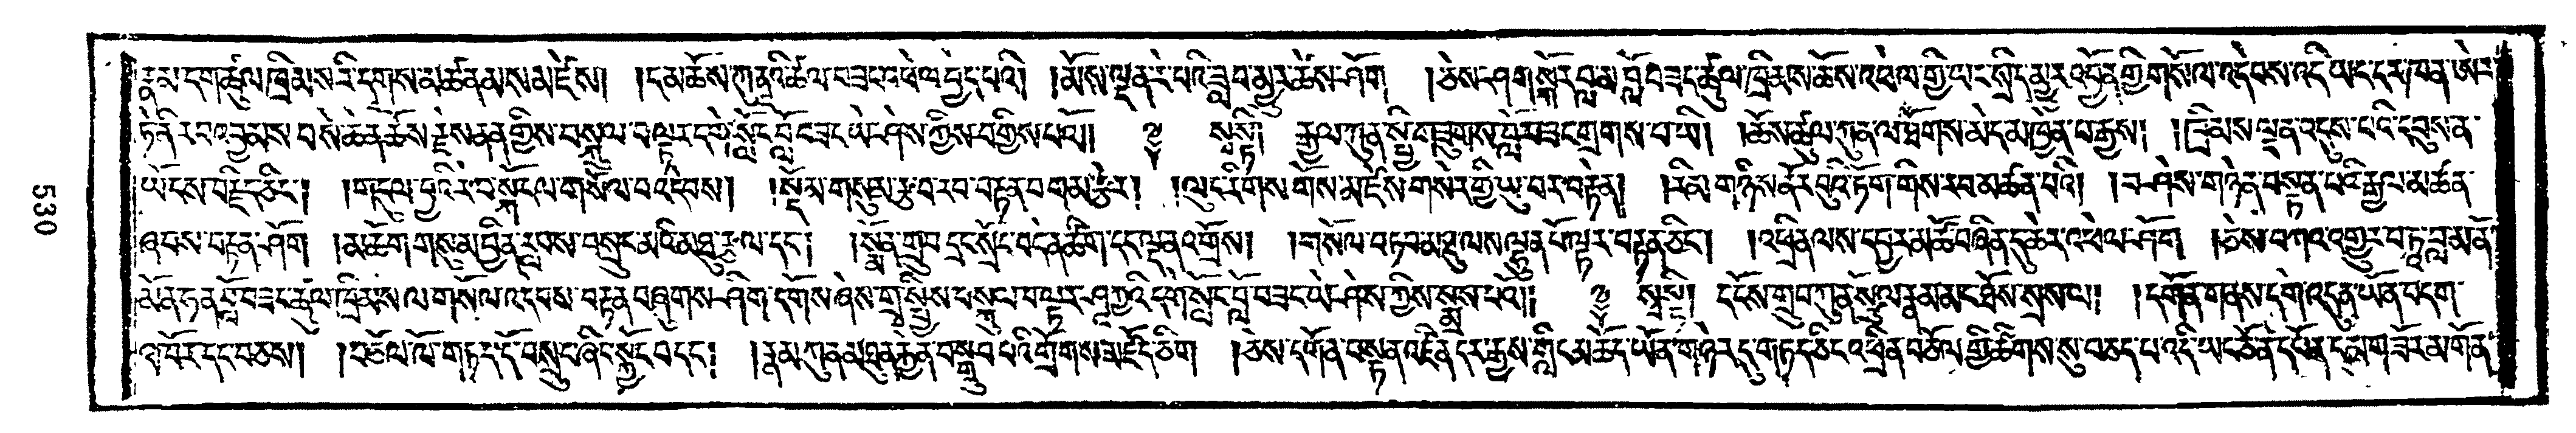རྣམ་དག་ཚུལ་ཁྲིམས་རི་དྭགས་མཚན་མས་མཛེས། །དམ་ཆོས་ཀུནྡའི་ཚལ་བཟང་འཕེལ་བྱེད་པའི། །མོས་ལྡན་རེ་པའི་ཟླ་བ་མྱུར་ཚེ་ཤོག །ཅེས་ཤག་སྒོར་བལ་མ་བློ་བཟང་ཚུལ་ཁྲིམས་ཆོས་འཕེལ་གྱི་ཡང་སྲིད་མྱུར་འབྱོན་གྱི་གསོལ་འདེབས་འདི་ཡང་ངར་ཁན་ཨེར་
ཏེ་ནི་རབ་འབྱམས་བ་སེ་ཆེན་ཆོས་རྗེས་ནན་གྱིས་བསྐུལ་བ་ལྟར་དགེ་སློང་བློ་བཟང་ཡེ་ཤེས་ཀྱིས་བགྱིས་པའོ།། ༈ སྭསྟི། རྒྱལ་ཀུན་སྤྱི་གཟུགས་བློ་བཟང་གྲགས་པ་ཡི། །ཆོས་ཚུལ་ཀུན་ལ་ཐོགས་མེད་མཁྱེན་པ་རྒྱས། །ཁྲིམས་ལྡན་འདུས་པའི་དབུས་ན་
ཡོངས་བརྗིད་ཅིང་། །གདུལ་བྱའི་རེ་བ་སྐོང་ལ་གསོལ་བ་འདེབས། །སྡོམ་གསུམ་རྩ་བ་རབ་བརྟན་པ་གམ་རྩེར། །ལུང་རིགས་གོས་མཛེས་གསེར་གྱི་ཡུ་བར་བརྟེན། །རིམ་གཉིས་ནོར་བུའི་ཏོག་གིས་རབ་མཚན་པའི། །བཤེས་གཉེན་བསྟན་པའི་རྒྱལ་མཚན་
ཞབས་བརྟན་ཤོག །མཆོག་གསུམ་བྱིན་རླབས་བསྲུང་མའི་མཐུ་རྩལ་དང་། །སྨོན་གྲུབ་དྲང་སྲོང་བདེན་ཚིག་དང་ལྡན་འགྲོས། །གསོལ་བཏབ་མཐུ་ལས་ལྷུན་པོ་ལྟར་བརྟན་ཅིང་། །འཕྲིན་ལས་དབྱར་མཚོ་བཞིན་དུ་ཆེར་འཕེལ་ཤོག །ཅེས་བཀའ་འགྱུར་བ་ཏཱ་བླ་མ་ནོ་
མོན་ཧན་བློ་བཟང་ཚུལ་ཁྲིམས་ལ་གསོལ་འདེབས་བརྟན་བཞུགས་ཤིག་དགོས་ཞེས་གྲྭ་སྤྱིས་བསྐུལ་བ་ལྟར་ཤཱཀྱའི་དགེ་སློང་བློ་བཟང་ཡེ་ཤེས་ཀྱིས་སྨྲས་པའོ། ༈ སྭསྟི། དངོས་གྲུབ་ཀུན་སྩོལ་རྣམ་མང་ཐོས་སྲས་ལ། །དགོན་གནས་དགེ་འདུན་ཡོན་བདག་
འཁོར་དང་བཅས། །བཅོལ་ལོ་གཏད་དོ་བསྲུང་ཞིང་སྐྱོང་བ་དང་། །རྣམ་ཀུན་མཐུན་རྐྱེན་བསྒྲུབ་པའི་གྲོགས་མཛོད་ཅིག །ཅེས་དགོན་བསྟན་འཛིན་དར་རྒྱས་གླིང་མཆོད་ཡོན་གཉེར་དུ་གཏད་ཅིང་འཕྲིན་བཅོལ་གྱི་ཚོགས་སུ་བཅད་པ་འདི་ཡང་ཅོ་ན་དཔོན་དམག་ཟོར་མགོན་